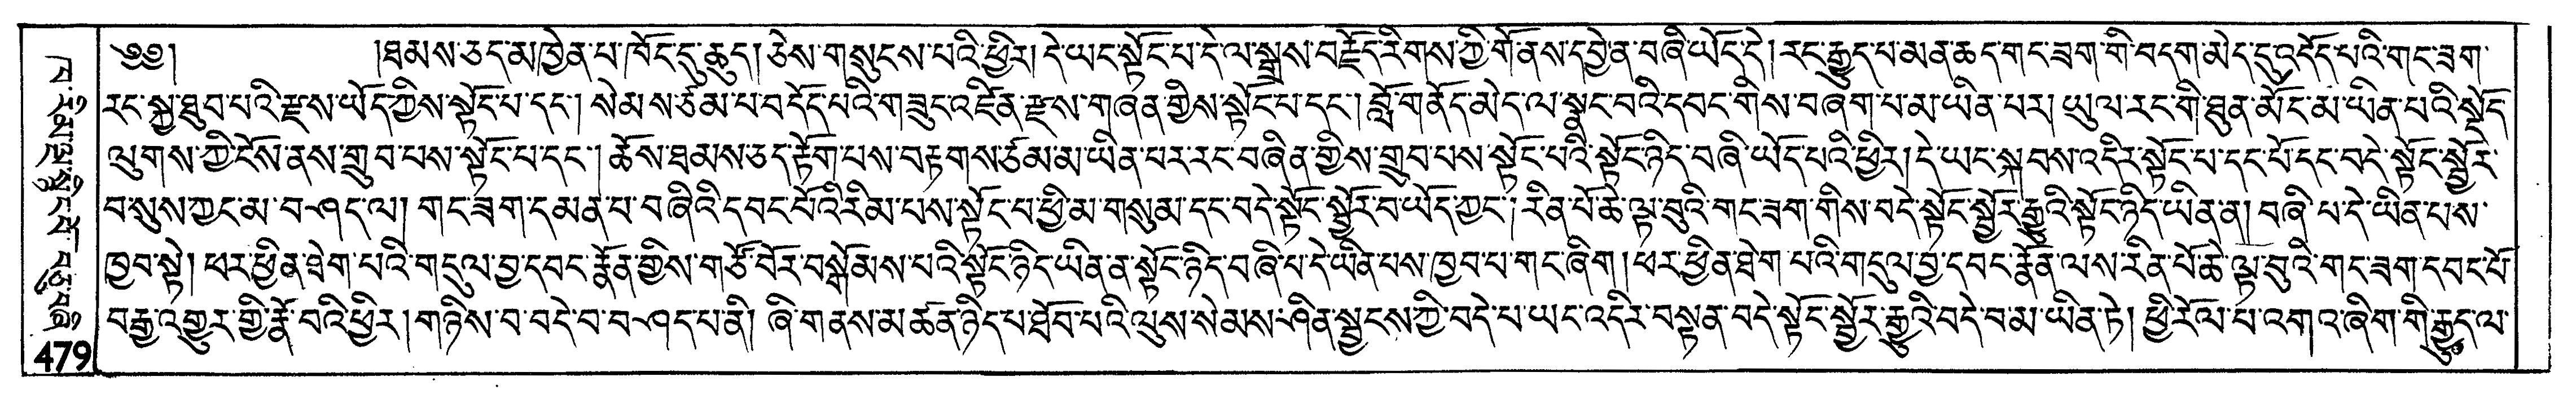༄༅། །ཐམས་ཅད་མཁྱེན་པ་ཁོང་དུ་ཆུད། ཅེས་གསུངས་པའི་ཕྱིར། དེ་ཡང་སྟོང་པ་དེ་ལ་སྒྲས་བརྗོད་རིགས་ཀྱི་གོ་ནས་དབྱེ་ན་བཞི་ཡོད་དེ། རང་རྒྱུད་པ་མན་ཆད་གང་ཟག་གི་བདག་མེད་དུ་འདོད་པའི་གང་ཟག་
རང་སྐྱ་ཐུབ་པའི་རྫས་ཡོད་ཀྱིས་སྟོང་པ་དང་། སེམས་ཙམ་པ་བདོད་པའི་གཟུང་འཛིན་རྫས་གཞན་གྱིས་སྟོང་པ་དང་། བློ་གནོད་མེད་ལ་སྣང་བའི་དབང་གིས་བཞག་པ་མ་ཡིན་པར། ཡུལ་རང་གི་ཐུན་མོང་མ་ཡིན་པའི་སྡོད་
ལུགས་ཀྱི་ངོས་ནས་གྲུབ་པས་སྟོང་པ་དང་། ཆོས་ཐམས་ཅད་རྟོག་པས་བརྟགས་ཙམ་མ་ཡིན་པར་རང་བཞིན་གྱིས་གྲུབ་པས་སྟོང་པའི་སྟོང་ཉིད་བཞི་ཡོད་པའི་ཕྱིར། དེ་ཡང་སྐབས་འདིར་སྟོང་པ་དང་པོ་དང་བདེ་སྟོང་སྦྱོར་
བ་སུས་ཀྱང་མ་བཤད་ལ། གང་ཟག་དམན་པ་བཞིའི་དབང་པོའི་རིམ་པས་སྟོང་པ་ཕྱི་མ་གསུམ་དང་བདེ་སྟོང་སྦྱོར་བ་ཡོད་ཀྱང་། རིན་པོ་ཆེ་ལྟ་བུའི་གང་ཟག་གིས་བདེ་སྟོང་སྦྱོར་རྒྱུའི་སྟོང་ཉིད་ཡིན་ན། བཞི་པ་དེ་ཡིན་པས་
ཁྱབ་སྟེ། ཕར་ཕྱིན་ཐེག་པའི་གདུལ་བྱ་དབང་རྣོན་གྱིས་གཙོ་བོར་བསྒོམས་པའི་སྟོང་ཉིད་ཡིན་ན་སྟོང་ཉིད་བཞི་པ་དེ་ཡིན་པས་ཁྱབ་པ་གང་ཞིག །ཕར་ཕྱིན་ཐེག་པའི་གདུལ་བྱ་དབང་རྣོན་ལས་རིན་པོ་ཆེ་ལྟ་བུའི་གང་ཟག་དབང་པོ་
བརྒྱ་འགྱུར་གྱི་རྣོ་བའི་ཕྱིར། གཉིས་པ་བདེ་བ་བཤད་པ་ནི། ཞི་གནས་མཚན་ཉིད་པ་ཐོབ་པའི་ལུས་སེམས་ཤིན་སྦྱངས་ཀྱི་བདེ་པ་ཡང་འདིར་བསྟན་བདེ་སྟོང་སྦྱོར་རྒྱུའི་བདེ་བ་མ་ཡིན་ཏེ། ཕྱི་རོལ་པ་འགའ་ཞིག་གི་རྒྱུད་ལ་